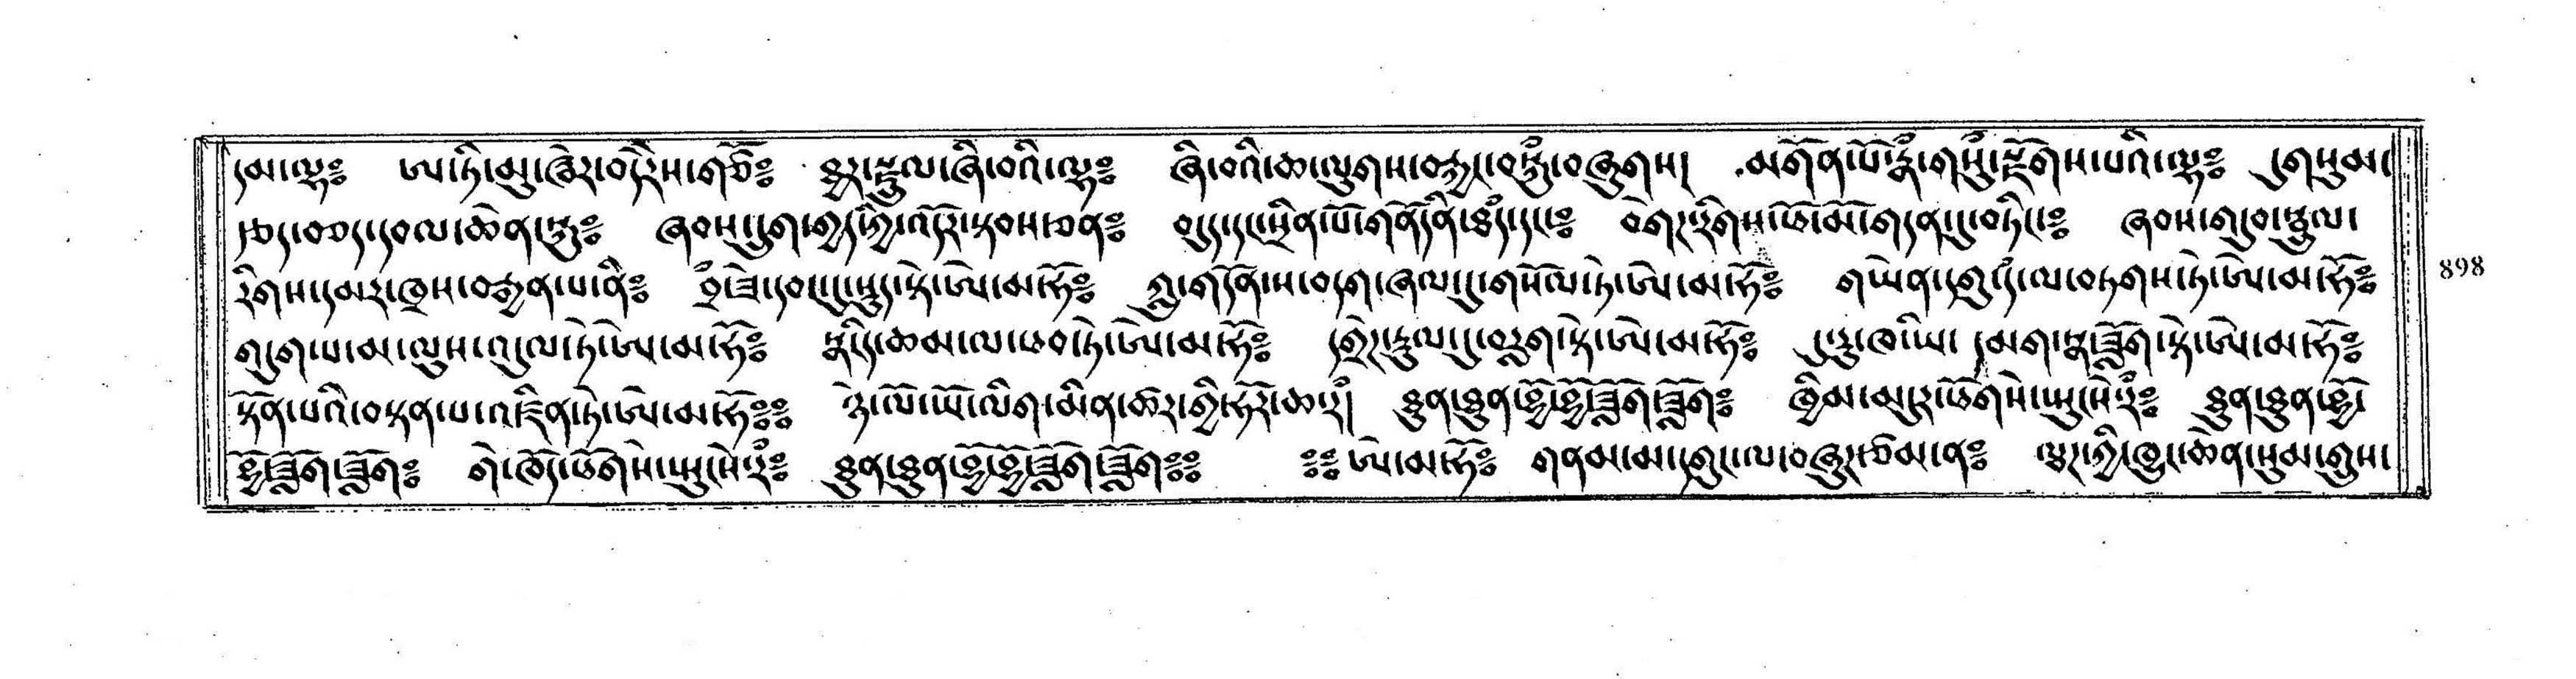དམ་ལྷ༔ ཨ་ཏི་མུ་ཝེར་བདེར་གཤེགས་གཙོ༔ ཐུགས་ཀར་རྫུ་འཕྲུལ་ཞི་བའི་ལྷ༔ ཞི་བའི་ཆ་ལུགས་བརྐྱང་བསྐུམ་བཞུགས། མགོན་པོ་རྣམ་གསུམ་རྫོགས་པའི་ལྷ༔ དུག་གསུམ་
རྩད་བཅད་དབལ་ཆེན་སྐུ༔ ཞབས་དྲུག་གྱད་ཀྱི་འདོར་སྟབས་ཅན༔ བདུད་དང་སྲིན་པོ་གནོད་སྦྱིན་ཐམས་ཅད་དང་༔ བགེགས་རིགས་ཕོ་མོ་གདན་དུ་བཏིང་༔ ཞབས་གདུབ་སྦྲུལ་
རིགས་དམར་ཁྲས་བརྒྱན་པ་ནི༔ བྲམ་ཟེ་དབང་དུ་སྡུད་སྟེ་ཨེ་མ་ཧོ༔ ཀླུ་གདོན་ས་བདག་ཞལ་དུ་གསོལ་ཏེ་ཨེ་མ་ཧོ༔ གཡེན་དགུ་དམ་ལ་བཏགས་ཏེ་ཨེ་མ་ཧོ༔ 
གདུག་པ་མ་ལུས་འདུལ་ཏེ་ཨེ་མ་ཧོ༔ སྣང་སྲིད་ཆམ་ལ་ཕབ་ཏེ་ཨེ་མ་ཧོ༔ དགྲ་བགེགས་རྡུལ་དུ་བརླག་སྟེ་ཨེ་མ་ཧོ༔ དུ་རུ་ཁ་ཡི་དམག་སྣ་ཟློག་སྟེ་ཨེ་མ་ཧོ༔ 
སྟོན་པའི་བསྟན་པ་འཛིན་ཏེ་ཨེ་མ་ཧོ༔༔ ཉེ་ལོ་ཡོ་ལིག་མིན་ཚར་གྱི་ཧོར་ཆ་རཾ། ཐུན་ཐུན་བྷྱོ་བྷྱོ་ཟློག་ཟློག༔ ཁྱིམ་མདུར་ཕོགསེ་སྤུངསེ་རཾ༔ ཐུན་ཐུན་བྷྱོ་
བྷྱོ་ཟློག་ཟློག༔ གེ་ཁོད་ཕོགསེ་སྤུངསེ་རཾ༔ ཐུན་ཐུན་བྷྱོ་བྷྱོ་ཟློག་ཟློག༔༔ ༔༔ཨེ་མ་ཧོ༔ གནམ་མ་དགུངས་ལ་བཞུགས་ཙམ་ན༔ ལྕགས་ཀྱི་ཁྱུང་ཆེན་སུམ་གྲུས་